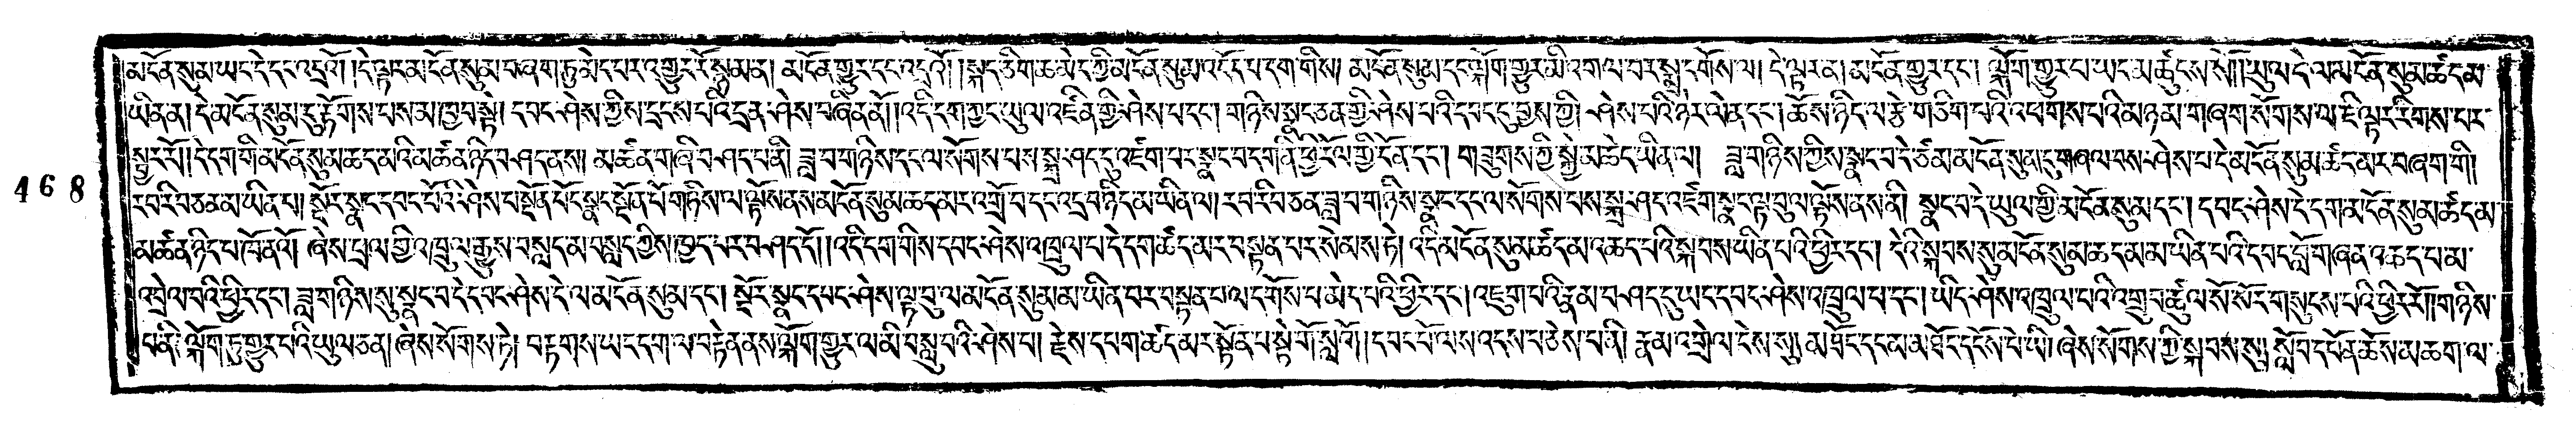མངོན་སུམ་ཡང་དེ་དང་འདྲའོ། །དེ་ལྟར་མངོན་སུམ་བཞག་ཏུ་མེད་པར་འགྱུར་རོ་སྙམ་ན། མངོན་གྱུར་དང་འདྲའོ། །སྐད་ཅིག་ཆ་མེད་ཀྱི་མངོན་སུམ་འདོད་པ་དག་གིས། མངོན་སུམ་དང་ལྐོག་གྱུར་མི་འགལ་བར་སྨྲ་དགོས་ལ། དེ་ལྟར་ན། མངན་གྱུར་དང་། ལྐོག་གྱུར་པ་ཡང་མཚུངས་སོ། །ཡུལ་དེ་ལ་མངོན་སུམ་ཚད་མ་
ཡིན་ན། དེ་མངོན་སུམ་དུ་རྟོགས་པས་མ་ཁྱབ་སྟེ། དབང་ཤེས་ཀྱིས་དྲངས་པའི་དྲན་ཤེས་བཞིན་ནོ། །འདི་དག་ཀྱང་ཡུལ་འཛིན་གྱི་ཤེས་པ་དང་། གཉིས་སྣང་ཅན་གྱི་ཤེས་པའི་དབང་དུ་བྱས་ཀྱི། ཤེས་པའི་ཉེར་ལེན་དང་། ཆོས་ཉིད་ལ་རྩེ་གཅིག་པའི་འཕགས་པའི་མཉམ་གཞག་སོགས་ལ་ཇི་ལྟར་རིགས་པར་
སྦྱར་རོ། །དེ་དག་གི་མངོན་སུམ་ཆད་མའི་མཚན་ཉིད་བཤད་ནས། མཚན་གཞི་བཤད་པ་ནི། ཟླ་བ་གཉིས་དང་ལ་སོགས་པས་སྐྲ་ཤད་དུ་འཛག་པར་སྣང་བདག་ནི་ཕྱི་རོལ་གྱི་དོན་དང་། གཟུགས་ཀྱི་སྐྱེ་མཆེད་ཡིན་ལ། ཟླ་གཉིས་ཀྱིས་སྣང་བ་དེ་ཙམ་མངོན་སུམ་དུ་གཞལ་བས་ཤེས་པ་དེ་མངོན་སུམ་ཚད་མར་བཞག་གི།
རབ་རིབ་ཅན་མ་ཡིན་པ། སྔོར་སྣང་དབང་པོའི་ཤེས་པ་སྔོན་པོར་སྣང་སྔོན་པོ་གཉིས་ལ་ལྟོས་ནས་མངོན་སུམ་ཚད་མར་འགྲོ་བ་དང་འདྲ་བ་ཉིད་མ་ཡིན་ལ། རབ་རིབ་ཅན་ཟླ་བ་གཉིས་སྣང་དང་ལ་སོགས་པས་སྐྲ་ཤད་འཛག་སྣང་ལྟ་བུ་ལ་ལྟོས་ནས་ནི། སྣང་བ་དེ་ཡུལ་གྱི་མངོན་སུམ་དང་། དབང་ཤེས་དེ་དག་མངོན་སུམ་ཚད་མ་
མཚན་ཉིད་པ་ཁོ་ནའོ། ཞེས་བྲལ་གྱི་འཁྲུལ་རྒྱུས་བསླད་མ་བསླད་ཀྱིས་ཁྱད་པར་བཤད་དོ། །འདི་དག་གིས་དབང་ཤེས་འཁྲུལ་པ་དེ་དག་ཚད་མར་བསྟན་པར་སེམས་ཏེ། འདི་མངོན་སུམ་ཚད་མ་འཆད་པའི་སྐབས་ཡིན་པའི་ཕྱིར་དང་། དེའི་སྐབས་སུ་མངོན་སུམ་ཚད་མ་མ་ཡིན་པའི་དབང་བློ་གཞན་འཆད་པ་མ་
འབྲེལ་བའི་ཕྱིར་དང་། ཟླ་གཉིས་སུ་སྣང་བ་དེ་དབང་ཤེས་དེ་ལ་མངོན་སུམ་དང་། སྔོར་སྣང་དཔང་ཤེས་ལྟ་བུ་ལ་མངོན་སུམ་མ་ཡིན་པར་བསྟན་པ་ལ་དགོས་པ་མེད་པའི་ཕྱིར་དང་། འཇུག་པའི་རྣམ་བཤད་དུ་ཡང་དབང་ཤེས་འཁྲུལ་པ་དང་། ཡིད་ཤེས་འཁྲུལ་བའི་འགྲུབ་ཚུལ་སོ་སོར་གསུངས་པའི་ཕྱིར་རོ། །གཉིས་
བ་ནི༑ ལྐོག་ཏུ་གྱུར་པའི་ཡུལ་ཅན། ཞེས་སོགས་ཏེ། བརྟགས་ཡང་དག་ལ་བརྟེན་ནས་ལྐོག་གྱུར་ལ་མི་བསླུ་བའི་ཤེས་པ། རྗེས་དཔག་ཚད་མར་སྟོན་པ་སྟེ་གོ་སླའོ། །དབང་པོ་ལས་འདས་བ་ཅེས་པ་ནི། རྣམ་འགྲེལ་ངེས་སུ། མཐོང་དང་མ་མཐོང་དངོས་པོ་ཡི། ཞེས་སོགས་ཀྱི་སྐབས་སུ། སློབ་དཔོན་ཆོས་མཆག་ལ་